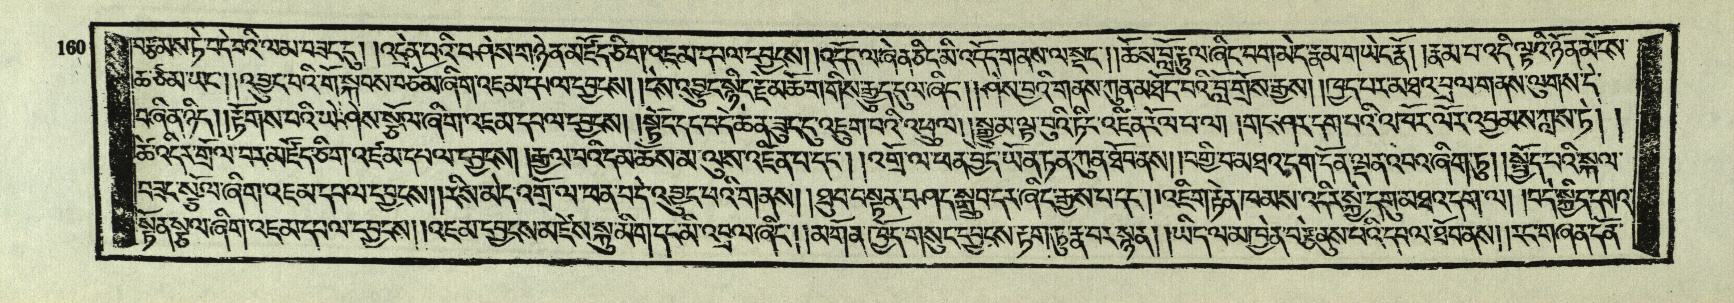བརྩམས་ཏེ་བདེ་བའི་ལམ་བཟང་དུ། །འདྲེན་པའི་བཤེས་གཉེན་མཛོད་ཅིག་འཇམ་དཔལ་དབྱངས། །འདོད་ལ་ཞེ་ན་ཅིང་མི་འདོད་གནས་ལ་སྡང་། །ཆོས་བློ་རྟུལ་ཞིང་བག་མེད་རྣམ་གཡེང་རྣོ། །རྣམ་པ་འདི་ལྟའི་ཉོན་མོངས་
ཆ་ཙམ་ཡང་། །འབྱུང་བའི་གོ་སྐབས་བཅོམ་ཞིག་འཇམ་དཔལ་དབྱངས། །ངེས་འབྱུང་སྙིང་རྗེ་མཆོག་གིས་རྒྱུད་དུལ་ཞིང་། །ཤེས་བྱའི་གནས་ཀུན་མཐོང་བའི་བློ་གྲོས་རྒྱས། །ཁྱད་པར་མཐའ་བྲལ་གནས་ལུགས་དེ་
བཞིན་ཉིད། །རྟོགས་པའི་ཡེ་ཤེས་སྩོལ་ཞིག་འཇམ་དཔལ་དབྱངས། །སྟོང་དང་བདེ་ཆེན་ཟུང་དུ་འཇུག་པའི་འཕྲུལ། །སྒྱུ་མ་ལྟ་བུའི་ཏིང་འཛིན་རོལ་པ་ལ། །གང་ཤར་དག་པའི་འཁོར་ལོར་འབྱམས་ཀླས་ཏེ།།
ཚེ་འདིར་གྲོལ་བར་མཛོད་ཅིག་འཛམ་དཔལ་དབྱངས། །རྒྱལ་བའི་དམ་ཆོས་མ་ལུས་འཛིན་པ་དང་། །འགྲོ་ལ་ཕན་བྱེད་ཡོན་ཏན་ཀུན་ཐོབ་ནས། །བགྱི་བ་མཐའ་དག་དོན་ལྡན་འབའ་ཞིག་ཏུ། །སྤྱོད་པའི་སྐལ་
བཟང་སྩོལ་ཞིག་འཇམ་དཔལ་དབྱངས། །རིས་མེད་འགྲོ་ལ་ཕན་བདེ་འབྱུང་པའི་གནས། །ཐུབ་བསྟན་བཤད་སྒྲུབ་དར་ཞིང་རྒྱས་པ་དང་། །འཇིག་རྟེན་ཁམས་འདིར་སྐྱེ་དགུ་མཐའ་དག་ལ། །བདེ་སྐྱིད་དགའ་
སྟོན་སྩལ་ཞིག་འཇམ་དཔལ་དབྱངས། །འཇམ་དབྱངས་མཛེས་སྐུ་མིག་དང་མི་འབྲལ་ཞིང་། །མགོན་ཁྱོད་གསུང་དབྱངས་རྟག་ཏུ་རྣ་བར་སྙན། །ཡིད་ལ་མཁྱེན་བརྩེ་ནུས་པའི་དཔལ་ཐོབ་ནས། །རང་གཞན་དོན་